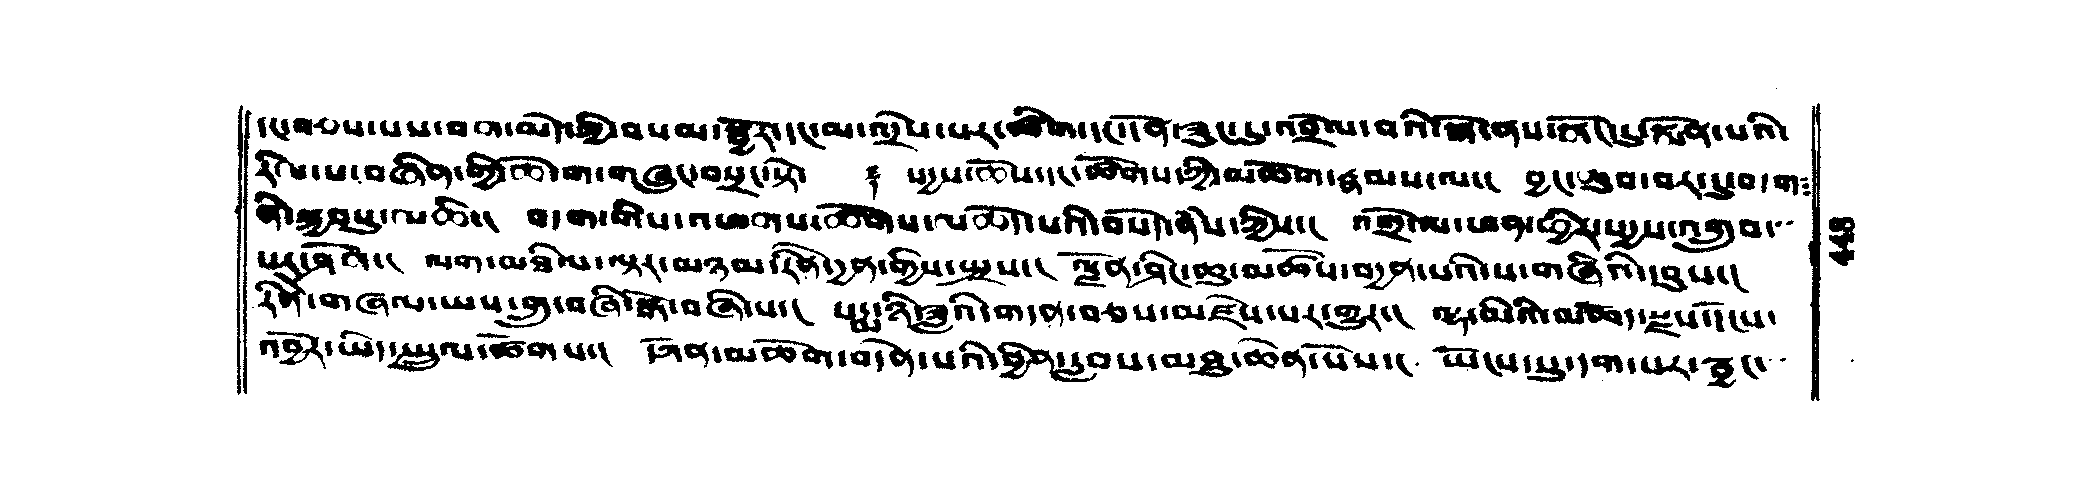དང་བཅས་པས་བག་མེད་ཀྱི་བསམ་སྦྱོར་དང་མ་འདྲེས་པར་ཚིག་དང་དོན་ཟུང་དུ་འབྲེལ་བའི་སྒོ་ནས་གོང་དུ་སྨོས་པའི་
རིམ་པ་བཞིན་གྱི་ཆོ་ག་གཞུང་བསྲང་སྟེ། སངས་རྒྱས་ཆོས་དང་ཚོགས་ཀྱི་མཆོག་རྣམས་ལ། །བྱང་ཆུབ་བར་དུ་བདག་
ནི་སྐྱབས་སུ་མཆི། །བདག་གིས་འཕགས་མཆོག་མཆོད་པའི་བསོད་ནམས་ཀྱིས། །འགྲོ་ལ་ཕན་ཕྱིར་སངས་རྒྱས་འགྲུབ་
པར་ཤོག །ལག་མཐིལ་ལྟར་མཉམ་རིན་ཆེན་རྒྱན་གྱིས་སྤྲས། །ལྗོན་ཤིང་ཆུ་མཚོས་བརྒྱན་པའི་ས་གཞིའི་དབུས། །
རིན་ཆེན་གཞལ་ཡས་གྲུ་བཞི་སྒོ་བཞི་པ། །པདྨ་ཉི་ཟླའི་གདན་བཅས་མཛེས་པར་གྱུར། །ལྷ་མིའི་མཆོད་རྫས་དངོས་
འབྱོར་ཡིད་སྤྲུལ་ཚོགས། །དཀོན་མཆོག་བདེན་པའི་བྱིན་རླབས་མཐུ་ཆེན་པོས། །ཡོངས་སུ་དག་པར་སྦྱང་